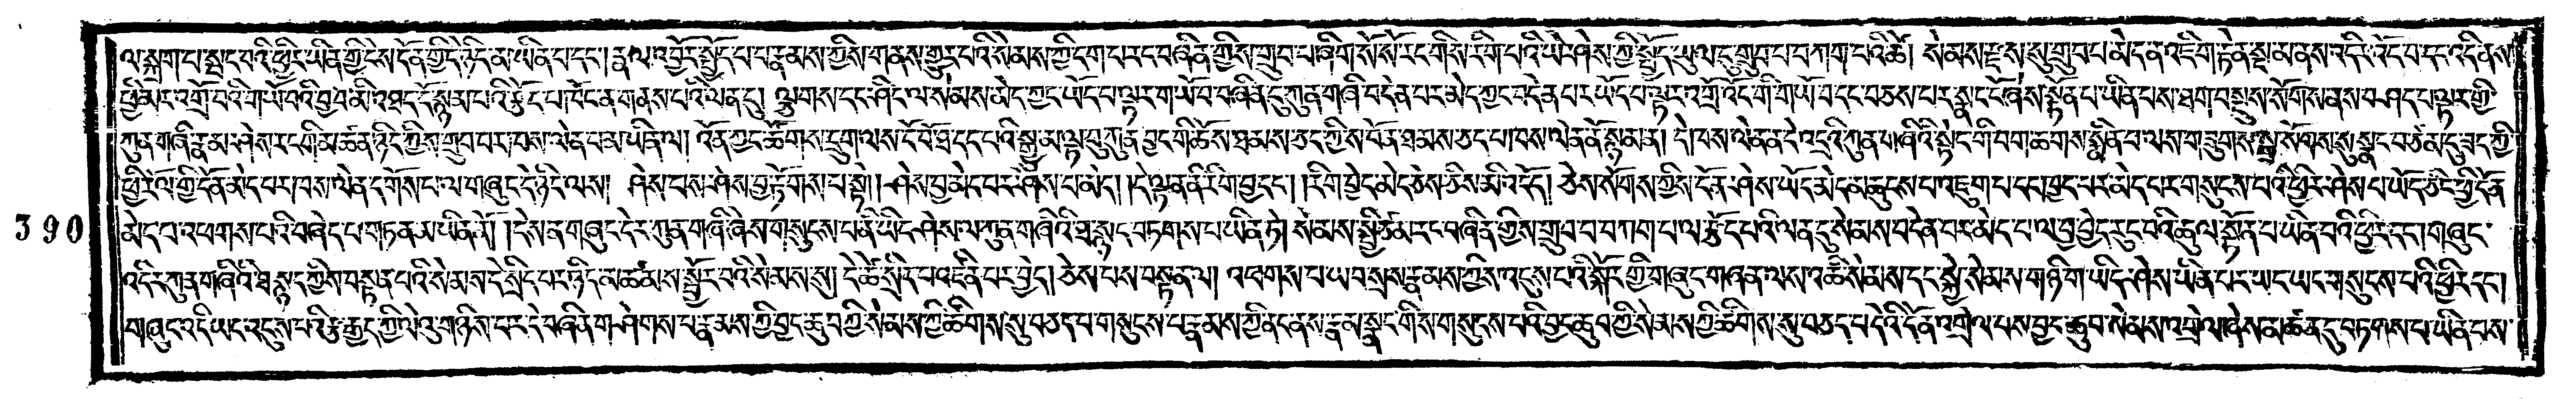ལ་སྐྲག་པ་སྦང་བའི་ཕྱིར་ཡིན་གྱི་ངེས་དོན་གྱི་དེ་ཉིད་མ་ཡིན་པ་དང་། རྣམ་འབྱོར་སྤྱོད་པ་པ་རྣམས་ཀྱིས་གནས་གྱུར་པའི་སེམས་ཀྱི་དག་པ་རང་བཞིན་གྱིས་གྲུབ་པ་ཞིག་སོ་སོ་རང་གིས་རིག་པའི་ཡེ་ཤེས་ཀྱི་སྤྱོད་ཡུལ་དུ་གྲུབ་པ་བཀག་པའི་ཚེ། སེམས་རྫས་སུ་གྲུབ་པ་མེད་ན་འཇིག་རྟེན་སྔ་མ་ནས་འདིར་འོང་བ་དང་འདི་ནས་
ཕྱི་མར་འགྲོ་བའི་གཡོ་བའི་བྱ་བ་མི་འཐད་དོ་སྙམ་པའི་རྩོད་པ་ཁོང་ན་གནས་པའི་ལན་དུ། ལྕགས་དང་ཤིང་ལ་སེམས་མེད་ཀྱང་ཡོད་པ་ལྟར་གཡོ་བ་བཞིན་དུ་ཀུན་གཞི་བདེན་པར་མེད་ཀྱང་བདེན་པར་ཡོད་བ་ལྟར་འགྲོ་འོང་གི་གཡོ་བ་དང་བཅས་པར་སྣང་ངོ་ཞེས་སྟོན་པ་ཡིན་པས་ཐེག་བསྡུས་སོགས་ནས་བཤད་པ་ལྟར་གྱི་
ཀུན་གཞི་རྣམ་ཤེས་རང་གི་མཚན་ཉིད་ཀྱིས་གྲུབ་བར་ཁས་ལེན་པ་མ་ཡིན་ལ། འོན་ཀྱང་ཚོགས་དྲུག་ལས་ངོ་བོ་ཐ་དད་པའི་སྒྱུ་མ་ལྟ་བུ་ཀུན་བྱང་གི་ཆོས་ཐམས་ཅད་ཀྱི་ས་བོན་ཐམས་ཅད་པ་ཁས་ལེན་ནོ་སྙམ་ན། དེ་ཁས་ལེན་ན་དེ་འདྲའི་ཀུན་གཞིའི་སྟེང་གི་བག་ཆགས་སྨིན་པ་ལས་གཟུགས་སྤུ་?་སོགས་སུ་སྣང་བ་ཙམ་དུ་ཟད་ཀྱི་
ཕྱི་རོལ་གྱི་དོན་མེད་པར་ཁས་ལེན་དགོས་པ་ལ་གཞུང་དེ་ཉིད་ལས། ཤེས་པས་ཤེས་བྱ་རྟོགས་པ་སྟེ། །ཤེས་བྱ་མེད་བར་ཤེས་པ་མེད། །དེ་ལྟ་ན་ནི་རིག་བྱ་དང་། །རིག་བྱེད་མེད་ཅེས་ཅིས་མི་འདོད། ཅེས་སོགས་ཀྱིས་དོན་ཤེས་ཡོད་མེད་མཚུངས་པ་འཇུག་པ་དང་ཁྱད་པར་མེད་བར་གསུངས་པའི་ཕྱིར་ཤེས་པ་ཡོད་ཅིང་ཕྱི་དོན་
མེད་པ་འཕགས་པའི་བཞེད་པ་གཏན་མ་ཡིན་ནོ། །དེས་ན་གཞུང་དེར་ཀུན་གཞི་ཞེས་གསུངས་པ་ནི་ཡིད་ཤེས་ལ་ཀུན་གཞིའི་ཐ་སྙད་བཏགས་པ་ཡིན་ཏེ། སེམས་སྤྱི་ཙམ་རང་བཞིན་གྱིས་གྲུབ་བ་བཀག་པ་ལ་རྩོད་པའི་ལན་དུ་སེམས་བདེན་བར་མེད་པ་ལ་བྱ་བྱེད་རུང་བའི་ཚུལ་སྟོན་པ་ཡིན་བའི་ཕྱིར་དང་། གཞུང་
འདིར་ཀུན་གཞིའི་ཐ་སྙད་ཀྱིས་བསྟན་བའི་སེམས་དེ་སྲིད་པར་ཉིད་མཚམས་སྦྱོར་བའི་སེམས་སུ། དེ་ཚེ་སྲིད་པ་འཛིན་པར་བྱེད། ཅེས་པས་བསྟན་ལ། འཕགས་བ་ཡབ་སྲས་རྣམས་ཀྱིས་འདུས་པའི་སྐོར་གྱི་གཞུང་གཞན་ལས་འཆི་སེམས་དང་སྐྱེ་སེམས་གཉི་ག་ཡིད་ཤེས་ཡིན་པར་ཡང་ཡང་གསུངས་པའི་ཕྱིར་དང་།
གཞུང་འདི་ཡང་འདུས་པའི་རྩ་རྒྱུད་ཀྱི་ལེའུ་གཉིས་པར་དེ་བཞིན་གཤེགས་པ་རྣམས་ཀྱི་བྱང་ཆུབ་ཀྱི་སེམས་ཀྱི་ཚིགས་སུ་བཅད་པ་གསུངས་པ་རྣམས་ཀྱི་ནང་ནས་རྣམ་སྣང་གིས་གསུངས་པའི་བྱང་ཆུབ་ཀྱི་སེམས་ཀྱི་ཚིགས་སུ་བཅད་པ་དེའི་དོན་འགྲེལ་བས་བྱང་ཆུབ་སེམས་འགྲེལ་ཞེས་མཚན་དུ་བཏགས་པ་ཡིན་བས་